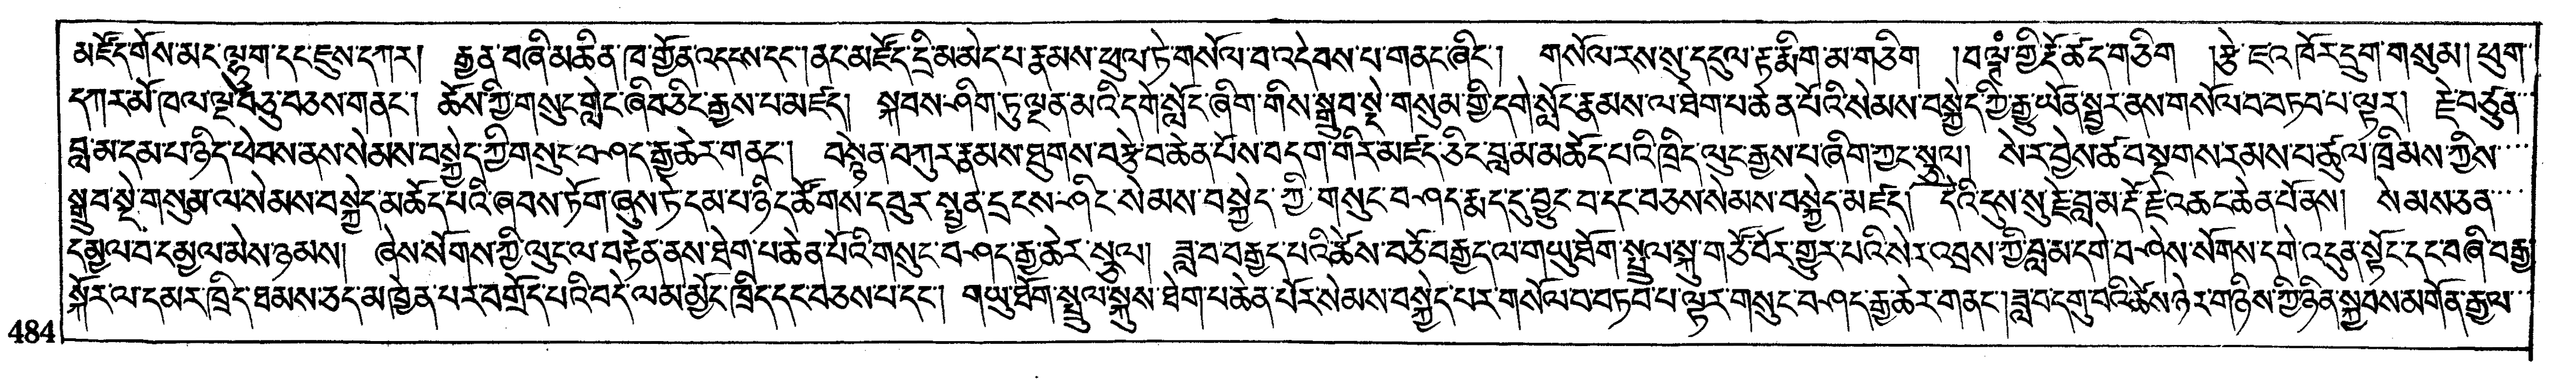མཛོད་གོས་མང་ལྷུག་དང་ཇུས་དཀར། རྒྱན་བཞི་མཆིན་ཁ་གྱོན་འདངས་དང་། ནང་མཛོད་དྲི་མ་མེད་པ་རྣམས་ཕུལ་ཏེ་གསོལ་བ་འདེབས་པ་གནང་ཞིང་། གསོལ་རས་སུ་དངུལ་རྟ་རྨིག་མ་གཅིག །བལྚཾ་གྱི་རྡོ་ཚད་གཅིག །རྩེ་ཇ་འཁོར་དྲུག་གསུམ། ཕུག་
དཀར་མོ་ཁལ་ལྔ་བཅུ་བཅས་གནང་། ཆོས་ཀྱི་གསུང་གླེང་ཞིབ་ཅིང་རྒྱས་པ་མཛད། སྐབས་ཤིག་ཏུ་ལྡན་མའི་དགེ་སློང་ཞིག་གིས་སྒྲུབ་སྡེ་གསུམ་གྱི་དགེ་སློང་རྣམས་ལ་ཐེག་པ་ཆེན་པོའི་སེམས་བསྐྱེད་ཀྱི་རྒྱུ་ཡོན་སྦྱར་ནས་གསོལ་བ་བཏབ་པ་ལྟར། རྗེ་བཙུན་
བླ་མ་དམ་པ་ཉིད་ཕེབས་ནས་སེམས་བསྐྱེད་ཀྱི་གསུང་བཤད་རྒྱ་ཆེར་གནང་། བསྙེན་བཀུར་རྣམས་ཐུགས་བརྩེ་བ་ཆེན་པོས་བདག་གིར་མཛད་ཅིང་བླ་མ་མཆོད་པའི་ཁྲིད་ལུང་རྒྱས་བ་ཞིག་ཀྱང་སྩལ། སེ་ར་བྱེས་ཚ་བ་སྔགས་རམས་པ་ཚུལ་ཁྲིམས་ཀྱིས་
སྒྲུབ་སྡེ་གསུམ་ལ་སེམས་བསྐྱེད་མཆོད་པའི་ཞབས་ཏོག་ཞུས་ཏེ་དམ་པ་ཉིད་ཚོགས་དབུར་སྤྱན་དྲངས་ཤིང་སེམས་བསྐྱེད་ཀྱི་གསུང་བཤད་རྨད་དུ་བྱུང་བ་དང་བཅས་སེམས་བསྐྱེད་མཛད། དེའི་དུས་སུ་རྗེ་བླ་མ་རྡོ་རྗེ་འཆང་ཆེན་པོ་ནས། སེམས་ཅན་
དམྱལ་བ་དམྱལ་མེས་ཉམས། ཞེས་སོགས་ཀྱི་ལུང་ལ་བརྟེན་ནས་ཐེག་པ་ཆེན་པོའི་གསུང་བཤད་རྒྱ་ཆེར་སྩལ། ཟླ་བ་བརྒྱད་པའི་ཚེས་བཅོ་བརྒྱད་ལ་གཡུ་ཐོག་སྤྲུལ་སྐུ་གཙོ་བོར་གྱུར་པའི་སེར་འབྲས་ཀྱི་བླ་མ་དགེ་བཤེས་སོགས་དགེ་འདུན་སྟོང་དང་བཞི་བརྒྱ་
སྐོར་ལ་དམར་ཁྲིད་ཐམས་ཅད་མཁྱེན་པར་བགྲོད་པའི་བདེ་ལམ་མྱོང་ཁྲིད་དང་བཅས་པ་དང་། གཡུ་ཐོག་སྤྲུལ་སྐུས་ཐེག་པ་ཆེན་པོར་སེམས་བསྐྱེད་པར་གསོལ་བ་བཏབ་པ་ལྟར་གསུང་བཤད་རྒྱ་ཆེར་གནང་།ཟླ་བ་དགུ་པའི་ཚེས་ཉེར་གཉིས་ཀྱི་ཉིན་སྐྱབས་མགོན་རྒྱལ་